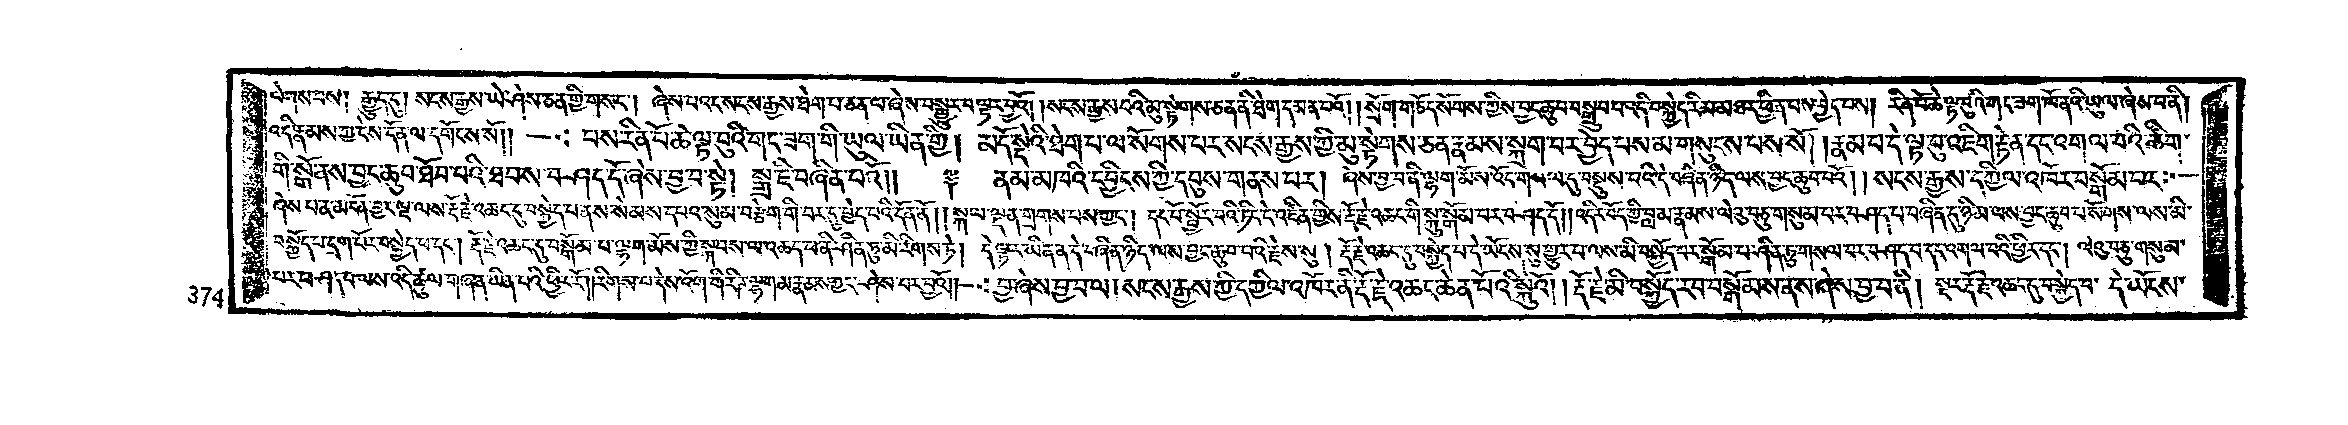ལེགས་པས། རྒྱུད་དུ། སངས་རྒྱས་ཡེ་ཤེས་ཅན་གྱི་གསང་། ཞེས་པའང་སངས་རྒྱས་ཐེག་པ་ཅན་ལ་ཞེས་བསྒྱུར་བ་ལྟར་བྱའོ། །སངས་རྒྱས་པའི་མུ་སྟེགས་ཅན་ནི་ཐེག་དམན་པའོ། །སྲོག་གཅོད་སོགས་ཀྱིས་བྱང་ཆུབ་བསྒྲུབ་པ་འདི་བསྐྱེད་རིམ་མཐར་ཕྱིན་པས་བྱེད་པས། རིན་པོ་ཆེ་ལྟ་བུའི་གང་ཟག་ཁོ་ནའི་ཡུལ་ཞེས་པ་ནི།
འདི་རྣམས་ཀྱི་ངེས་དོན་ལ་དགོངས་སོ།། པས་རིན་པོ་ཆེ་ལྟ་བུའི་གང་ཟག་གི་ཡུལ་ཡིན་གྱི། མདོ་སྡེའི་ཐེག་པ་ལ་སོགས་པར་སངས་རྒྱས་ཀྱི་མུ་སྟེགས་ཅན་རྣམས་སྐྲག་པར་བྱེད་པས་མ་གསུངས་པས་སོ། །རྣམ་པ་དེ་ལྟ་བུ་འཇིག་རྟེན་དང་འགལ་བའི་ཚིག་
གི་སྒོ་ནས་བྱང་ཆུབ་ཐོབ་པའི་ཐབས་བཤད་དོ་ཞེས་བྱ་བ་སྟེ། སྒྲ་ཇི་བཞིན་པའོ།། ༈ ནམ་མཁའི་དབྱིངས་ཀྱི་དབུས་གནས་པར། ཞེས་བྱ་བ་ནི་ལྷག་མོས་འོད་གསལ་དུ་བསྡུས་པའི་དེ་བཞིན་ཉིད་ལས་བྱང་ཆུབ་པའོ།།  སངས་རྒྱས་དཀྱིལ་འཁོར་བསྒོམ་པར་
ཞེས་པ་ནི་མངོན་བྱང་ལྔ་ལས་རྡོ་རྗེ་འཆང་དུ་བསྐྱེད་པ་ནས་སེམས་དཔའ་སུམ་བརྩེག་གི་བར་དུ་བྱེད་པའི་དོན་ནོ། །སྐལ་ལྡན་གྲགས་པས་ཀྱང་། དང་པོ་སྦྱོར་བའི་ཏིང་ངེ་འཛིན་གྱིས་རྡོ་རྗེ་འཆང་གི་སྐུ་སྒོམ་པར་བཤད་དོ། །འདིར་བོད་ཀྱི་བླ་མ་རྣམས་ལེའུ་བཅུ་གསུམ་པར་བཤད་པ་བཞིན་དུ་ཉི་མ་ལས་བྱང་ཆུབ་པ་སོགས་ལས་མི་
བསྐྱོད་པ་དྲག་པོར་བསྐྱེད་པ་དང་། རྡོ་རྗེ་འཆང་དུ་བསྒོམ་པ་ལྷག་མོས་ཀྱི་སྐབས་ལ་འཆད་པ་ནི་ཤིན་ཏུ་མི་རིགས་ཏེ། དེ་ལྟར་ཡིན་ན་དེ་བཞིན་ཉིད་ལས་བྱང་ཆུབ་པའི་རྗེས་སུ། རྡོ་རྗེ་འཆང་དུ་བསྐྱེད་པ་དེ་ཡོངས་སུ་གྱུར་པ་ལས་མི་བསྐྱོད་པར་སྒོམ་པ་ཤིན་ཏུ་གསལ་བར་བཤད་པ་དང་འགལ་བའི་ཕྱིར་དང་། ལེའུ་བཅུ་གསུམ་
པར་བཤད་པ་ལས་འོད་ཚུལ་གཞན་ཡིན་པའི་ཕྱིར་རོ། །རིགས་པ་དེས་འོག་གི་རིགས་ལྷག་མ་རྣམས་ཀྱང་ཤེས་པར་བྱའོ།། བྱ་ཞེས་བྱ་བ་ལ། སངས་རྒྱས་ཀྱི་དཀྱིལ་འཁོར་ནི་རྡོ་རྗེ་འཆང་ཆེན་པོའི་སྐུའོ། །རྡོ་རྗེ་མི་བསྐྱོད་རབ་བསྒོམས་ནས་ཞེས་བྱ་བ་ནི། སྔར་རྡོ་རྗེ་འཆང་དུ་བསྐྱེད་པ་དེ་ཡོངས་